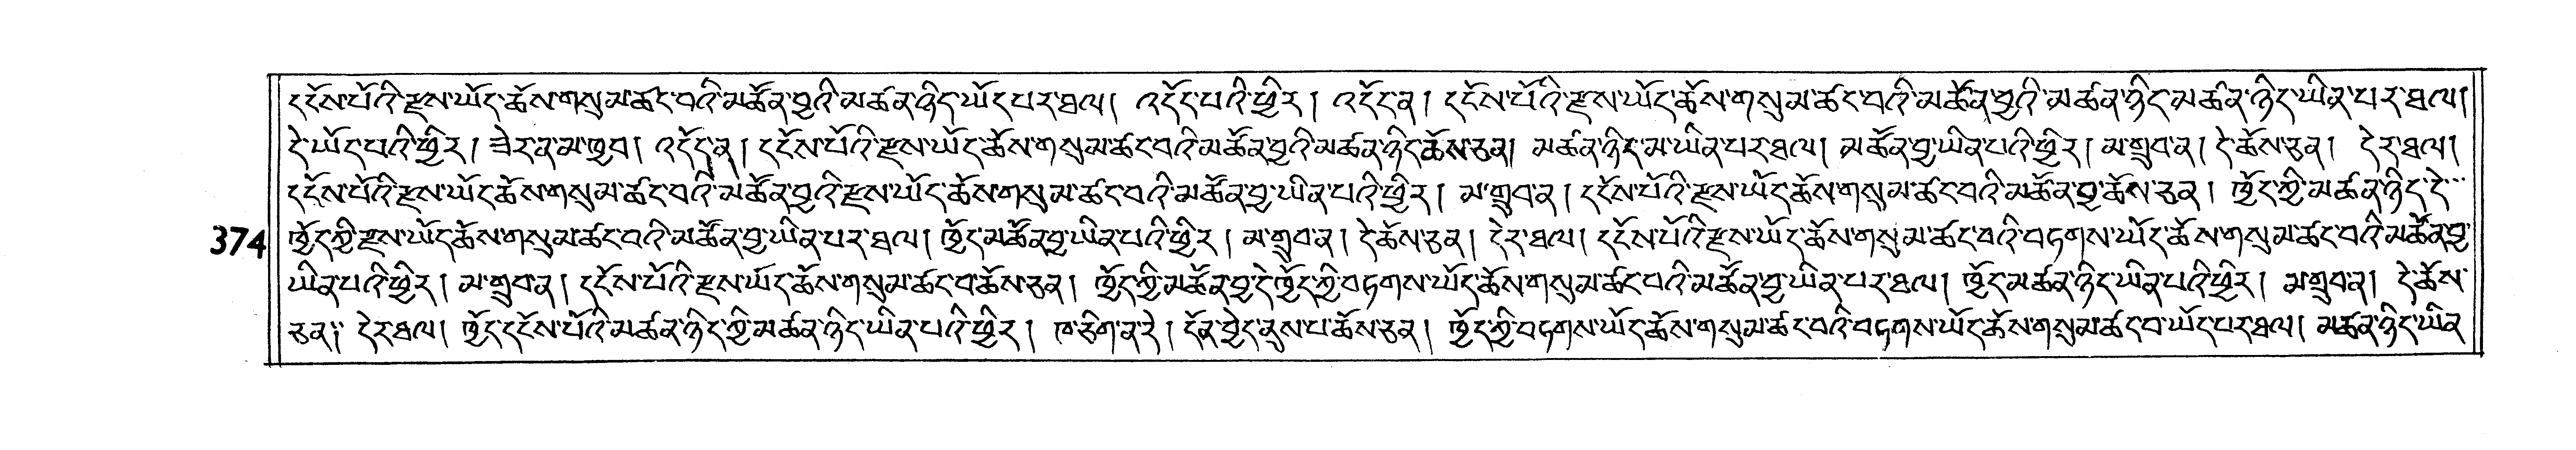དངོས་པོའི་རྫས་ཡོད་ཆོས་གསུམ་ཚང་བའི་མཚོན་བྱའི་མཚན་ཉིད་ཡོད་པར་ཐལ། འདོད་པའི་ཕྱིར། འདོད་ན། དངོས་པོའི་རྫས་ཡོད་ཆོས་གསུམ་ཚང་བའི་མཚོན་བྱའི་མཚན་ཉིད་མཚན་ཉིད་ཡིན་པར་ཐལ།
དེ་ཡོད་པའི་ཕྱིར། ཟེར་ན་མ་ཁྱབ། འདོད་ན། དངོས་པོའི་རྫས་ཡོད་ཆོས་གསུམ་ཚང་བའི་མཚོན་བྱའི་མཚན་ཉིད་ཆོས་ཅན། མཚན་ཉིད་མ་ཡིན་པར་ཐལ། མཚོན་བྱ་ཡིན་པའི་ཕྱིར། མ་གྲུབ་ན། དེ་ཆོས་ཅན། དེར་ཐལ།
དངོས་པོའི་རྫས་ཡོད་ཆོས་གསུམ་ཚང་བའི་མཚོན་བྱའི་རྫས་ཡོད་ཆོས་གསུམ་ཚང་བའི་མཚོན་བྱ་ཡིན་པའི་ཕྱིར། མ་གྲུབ་ན། དངོས་པོའི་རྫས་ཡོད་ཆོས་གསུམ་ཚང་བའི་མཚོན་བྱ་ཆོས་ཅན། ཁྱོད་ཀྱི་མཚན་ཉིད་དེ་
ཁྱོད་ཀྱི་རྫས་ཡོད་ཆོས་གསུམ་ཚང་བའི་མཚོན་བྱ་ཡིན་པར་ཐལ། ཁྱོད་མཚོན་བྱ་ཡིན་པའི་ཕྱིར། མ་གྲུབ་ན། དེ་ཆོས་ཅན། དེར་ཐལ། དངོས་པོའི་རྫས་ཡོད་ཆོས་གསུམ་ཚང་བའི་བཏགས་ཡོད་ཆོས་གསུམ་ཚང་བའི་མཚོན་བྱ་
ཡིན་པའི་ཕྱིར། མ་གྲུབ་ན། དངོས་པོའི་རྫས་ཡོད་ཆོས་གསུམ་ཚང་བ་ཆོས་ཅན། ཁྱོད་ཀྱི་མཚོན་བྱ་དེ་ཁྱོད་ཀྱི་བཏགས་ཡོད་ཆོས་གསུམ་ཚང་བའི་མཚོན་བྱ་ཡིན་པར་ཐལ། ཁྱོད་མཚན་ཉིད་ཡིན་པའི་ཕྱིར། མ་གྲུབ་ན། དེ་ཆོས་
ཅན༑ དེར་ཐལ། ཁྱོད་དངོས་པོའི་མཚན་ཉིད་ཀྱི་མཚན་ཉིད་ཡིན་པའི་ཕྱིར། ཁ་ཅིག་ན་རེ། དོན་བྱེད་ནུས་པ་ཆོས་ཅན། ཁྱོད་ཀྱི་བཏགས་ཡོད་ཆོས་གསུམ་ཚང་བའི་བཏགས་ཡོད་ཆོས་གསུམ་ཚང་བ་ཡོད་པར་ཐལ། མཚན་ཉིད་ཡིན་